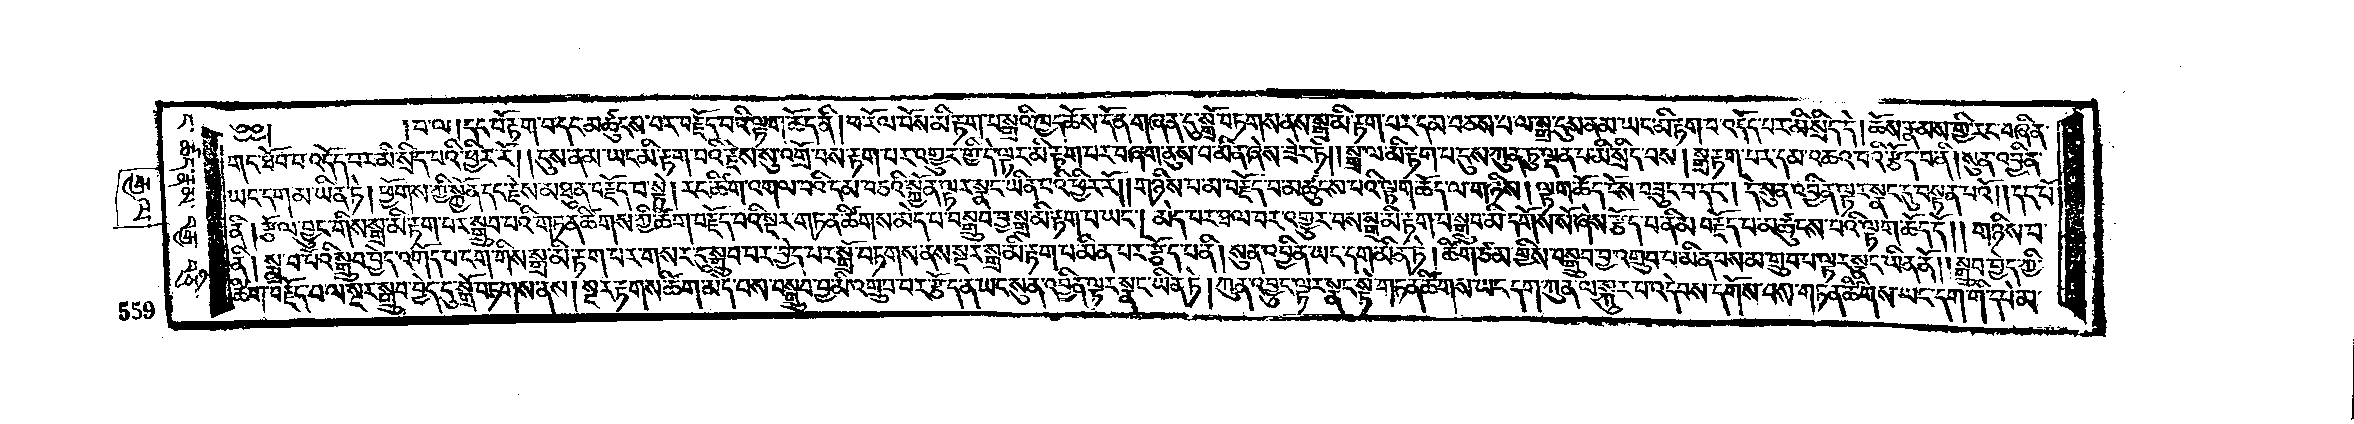༄༅། །པ་ལ། དང་པོ་རྟག་པ་དང་མཚུངས་པར་བརྗོད་པའི་ལྟག་ཆོད་ནི། ཕ་རོལ་པོས་མི་རྟག་པ་སྒྲའི་ཁྱད་ཆོས་དོན་གཞན་དུ་སྒྲོ་བཏགས་ནས་སྒྲ་མི་རྟག་པར་དམ་བཅས་པ་ལ་སྒྲ་དུས་ནམ་ཡང་མི་རྟག་པ་འདོད་པར་མི་སྲིད་དེ། ཆོས་རྣམས་ཀྱི་རང་བཞིན་
གང་ཐོབ་པ་འདོད་པར་མི་སྲིད་པའི་ཕྱིར་རོ། །དུས་ནམ་ཡང་མི་རྟག་པའི་རྗེས་སུ་འགྲོ་བས་རྟག་པར་འགྱུར་གྱི་དེ་ལྟར་མི་རྟག་པར་བཞག་ནུས་པ་མིན་ཞེས་ཟེར་ཏེ། སྒྲ་ལ་མི་རྟག་པ་དུས་ཀུན་ཏུ་ལྡན་པ་མི་སྲིད་པས། སྒྲ་རྟག་པར་དམ་འཆའ་བའི་རྩོད་པ་ནི། སུན་འབྱིན་
ཡང་དག་མ་ཡིན་ཏེ། ཕྱོགས་ཀྱི་སྐྱོན་དང་རྗེས་མཐུན་བརྗོད་པ་སྟེ། རང་ཚིག་འགལ་བའི་དམ་བཅའི་སྐྱོན་ལྟར་སྣང་ཡིན་པའི་ཕྱིར་རོ། །གཉིས་པ་མ་བརྗོད་པ་མཚུངས་པའི་ལྟག་ཆོད་ལ་གཉིས། ལྟག་ཆོད་ངོས་བཟུང་བ་དང་། དེ་སུན་འབྱིན་ལྟར་སྣང་དུ་བསྟན་པའོ། །དང་པོ་
ནི༑ རྩོལ་བྱུང་གིས་སྒྲ་མི་རྟག་པར་སྒྲུབ་པའི་གཏན་ཚིགས་ཀྱི་ཚིག་བརྗོད་པའི་སྔར་གཏན་ཚིགས་མེད་པ་བསྒྲུབ་སྒྲ་མི་རྟག་པ་ཡང་། མེད་པར་ཐལ་བར་འགྱུར་བས་སྒྲ་མི་རྟག་པ་སྒྲུབ་མི་དགོས་སོ་ཞེས་རྩོད་པ་ནི་མ་བརྗོད་པ་མཚུངས་པའི་ལྟག་ཆོད་དོ། །གཉིས་པ་
ནི༑ སྨྲ་བ་པའི་སྒྲུབ་བྱེད་འགོད་པ་ངག་གིས་སྒྲ་མི་རྟག་པར་གསར་དུ་སྒྲུབ་པར་བྱེད་པར་སྒྲོ་བཏགས་ནས་སྔར་སྒྲ་མི་རྟག་པ་མིན་པར་རྩོད་པ་ནི། སུན་འབྱིན་ཡང་དག་མིན་ཏེ། ཚིག་ཙམ་གྱིས་བསྒྲུབ་བྱ་འགྲུབ་པ་མིན་པས་མ་གྲུབ་པ་ལྟར་སྣང་ཡིན་ནོ། །སྒྲུབ་བྱེད་ཀྱི་
ཚིག་བརྗོད་པ་ལ་སྔར་སྒྲུབ་བྱེད་དུ་སྒྲོ་བཏགས་ནས། སྔར་རྟགས་ཚིག་མེད་པས་བསྒྲུབ་བྱ་མི་འགྲུབ་པར་རྩོད་ན་ཡང་སུན་འབྱིན་ལྟར་སྣང་ཡིན་ཏེ། ཀུན་འབྱུང་ལྟར་སྣང་སྟེ་གཏན་ཚིགས་ཡང་དག་ཀུན་ལ་སྐུར་པ་འདེབས་དགོས་པས་གཏན་ཚིགས་ཡང་དག་གི་དཔེ་མ་